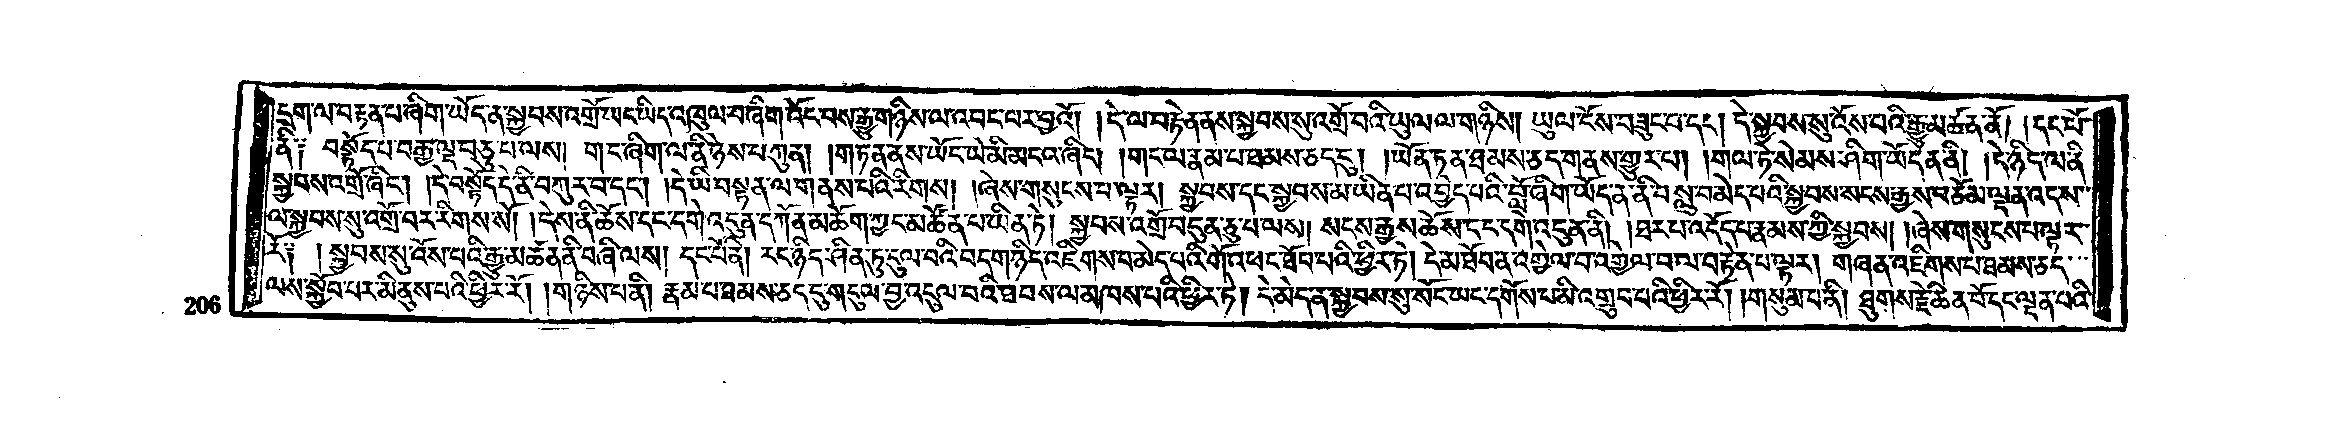དྲག་ལ་བརྟན་པ་ཞིག་ཡོད་ན་སྐྱབས་འགྲོ་ཡང་ཡིད་འཁུལ་བ་ཞིག་འོང་བས་རྒྱུ་གཉིས་ལ་འབད་པར་བྱའོ། །དེ་ལ་བརྟེན་ནས་སྐྱབས་སུ་འགྲོ་བའི་ཡུལ་ལ་གཉིས། ཡུལ་ངོས་བཟུང་བ་དང་། དེ་སྐྱབས་སུ་འོས་པའི་རྒྱུ་མཚན་ནོ། །དང་པོ་
ནི༑ བསྟོད་པ་བརྒྱ་ལྔ་བཅུ་པ་ལས། གང་ཞིག་ལ་ནི་ཉེས་པ་ཀུན། །གཏན་ནས་ཡོང་ཡེ་མི་མངའ་ཞིང་། །གང་ལ་རྣམ་པ་ཐམས་ཅད་དུ། །ཡོན་ཏན་ཐམས་ཅད་གནས་གྱུར་པ། །གལ་ཏེ་སེམས་ཤིག་ཡོད་ན་ནི། །དེ་ཉིད་ལ་ནི་
སྐྱབས་འགྲོ་ཞིང་། །དེ་བསྟོད་དེ་ནི་བཀུར་བ་དང་། །དེ་ཡི་བསྟན་ལ་གནས་པའི་རིགས། །ཞེས་གསུངས་པ་ལྟར། སྐྱབས་དང་སྐྱབས་མ་ཡིན་པ་འབྱེད་པའི་བློ་ཞིག་ཡོད་ན་ནི་བསླུ་བ་མེད་པའི་སྐྱབས་སངས་རྒྱས་བཅོམ་ལྡན་འདས་
ལ་སྐྱབས་སུ་འགྲོ་བར་རིགས་སོ། །དེས་ནི་ཆོས་དང་དགེ་འདུན་དཀོན་མཆོག་ཀྱང་མཚོན་པ་ཡིན་ཏེ། སྐྱབས་འགྲོ་བདུན་ཅུ་པ་ལས། སངས་རྒྱས་ཆོས་དང་དགེ་འདུན་ནི། །ཐར་པ་འདོད་པ་རྣམས་ཀྱི་སྐྱབས། །ཞེས་གསུངས་པ་ལྟར་
རོ༑ ༑སྐྱབས་སུ་འོས་པའི་རྒྱུ་མཚན་ནི་བཞི་ལས། དང་པོ་ནི། རང་ཉིད་ཤིན་ཏུ་དུལ་བའི་བདག་ཉིད་འཇིགས་པ་མེད་པའི་གོ་འཕང་ཐོབ་པའི་ཕྱིར་ཏེ། དེ་མ་ཐོབ་ན་འགྱེལ་བ་འགྱེལ་བ་ལ་བརྟེན་པ་ལྟར། གཞན་འཇིགས་པ་ཐམས་ཅད་
ལས་སྐྱོབ་པར་མི་ནུས་པའི་ཕྱིར་རོ། །གཉིས་པ་ནི། རྣམ་པ་ཐམས་ཅད་དུ་གདུལ་བྱ་འདུལ་བའི་ཐབས་ལ་མཁས་པའི་ཕྱིར་ཏེ། དེ་མེད་ན་སྐྱབས་སུ་སོང་ཡང་དགོས་པ་མི་འགྲུབ་པའི་ཕྱིར་རོ། །གསུམ་པ་ནི། ཐུགས་རྗེ་ཆེན་པོ་དང་ལྡན་པའི་